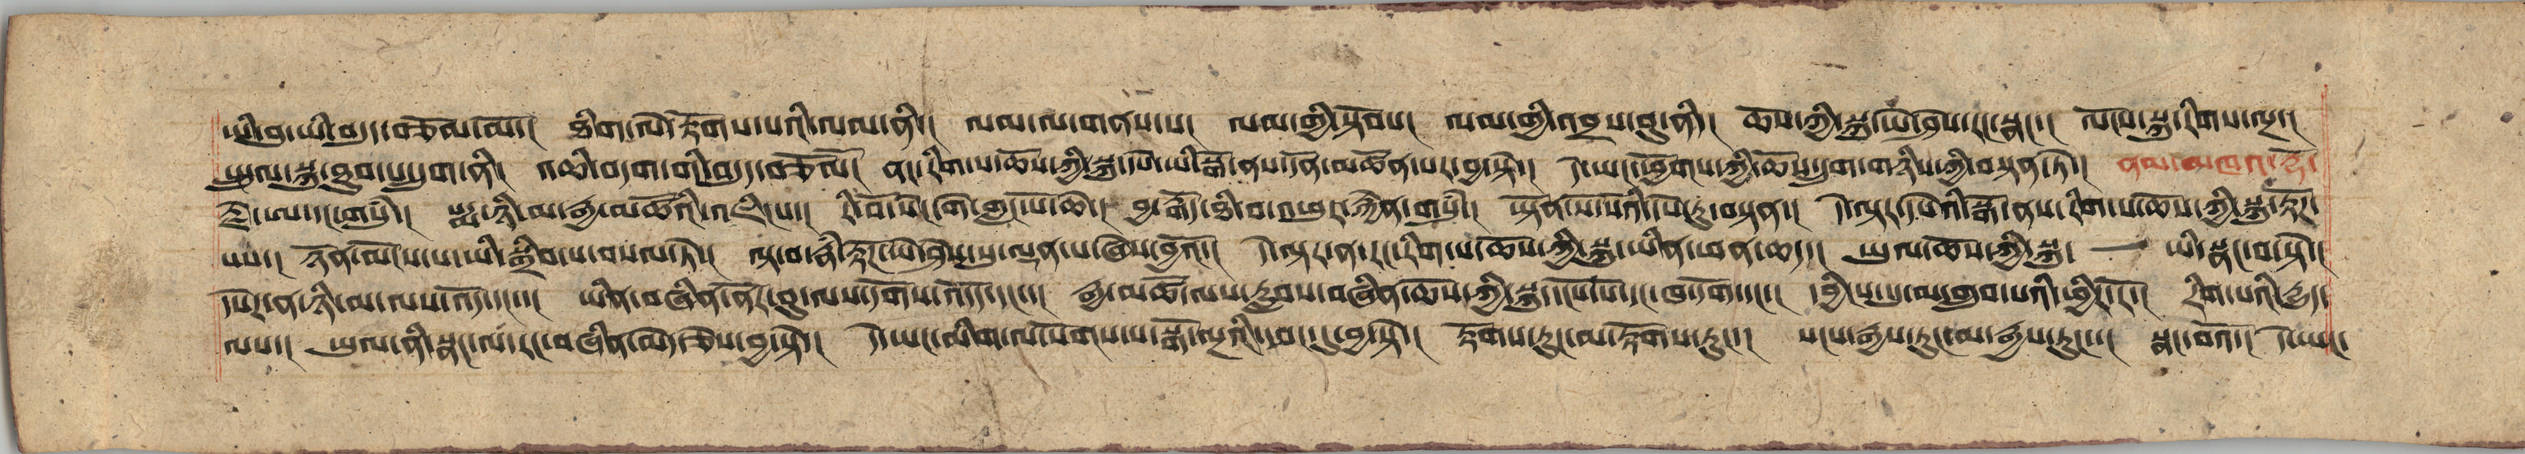ཡི་བུ་ཡི་བདུད་བཅོམ་མོ་། ཐིག་ལེ་རྟོགས་པའི་ལམ་ནི་། ལམ་ལ་གནས་པ། ལམ་གྱི་སྟོབས། ལམ་གྱི་འབྲས་བུ་ནི་། ཆོས་ཀྱི་སྐུ་ཡེ་ཤེས་རང་སྣང་། ལོངས་སྐུ་རིགས་ལྔ་།
སྤྲུལ་སྐུ་ཐུབ་པ་དྲུག་ནི། འཆི་བདག་གི་བདུད་བཅོམོ། ནང་རིག་པ་ཆོས་ཀྱི་སྐུ་དཔེ་ཡི་སྒོ་ནས་དོན་མཚོན་པར་བྱ་སྟེ་། དེ་ཡང་ཕྱོགས་ཀྱི་ཆོས་དྲུག་གཉིས་ཀྱི་བསྟན་ཏེ་། ནམ་མཁའ་རྡོེ་
རྗེ་ཨ་དང་གསུཾ་། པདྨ་ཉི་མ་རྒྱ་མཚོའི་འཇིངས་། རི་བོ་སེང་གེ་གླང་པོ་ཆེ་། བྱ་རྒོད་ཐི་བ་འཕུར་རྐྱེན་གསུཾ་། ཡྟོན་སོ་སོའི་དཔེ་རུ་བསྟན་། དེ་ལྟར་དཔེའི་སྒོ་ནས་རིག་པ་ཆོས་ཀྱི་སྐུ་རྟོཌ་
པས་། ཉོན་མོངས་པ་ཡི་སྒྲིབ་པ་བསལ་ཏེ་། ལྟ་བ་རྣཾ་རྟོཌ་ཡེ་ཤེས་སུ་ལྡན་པ་ཞེས་བྱའོ་། དེ་ལྟར་ན་རང་རིག་པ་ཆོས་ཀྱི་སྐུ་ཡིན་ཕན་ཆད་། ཡུལ་ཆོས་ཀྱི་སྐུ་ ཡི་སྣང་པ་སྟེ་།
དཔེར་ན་ཉི་མ་ལས་འོད་དང་་། ཡིན་བཞིན་ནོར་བུ་ལས་དགོས་འདོད་དང་་། རྒྱ་མཚོ་ལས་རླབས་བཞིན་ཆོས་ཀྱི་སྐུ་དངོས་པོ་དང་ཁ་དོག་དང་། དབྱངིས་སུ་མ་གྲུབ་པའི་ཕྱིར་རོ་། རིག་པའི་དྱུད་
ལས་། ཡུལ་ནི་སྣང་ལ་རང་བཞིན་མེད་ཅེས་བྱ་སྟེ་། དེ་ཡང་མིག་ལ་སོགས་པ་སྒོ་ལྔའི་དབང་དུ་བྱ་སྟེ་། རྟོགས་རུང་མ་རྟོགས་རུང་། སངས་རྒྱས་རུང་མ་རྒྱས་རུང་་། སྣང་བའོ་་། དེ་ཡང་